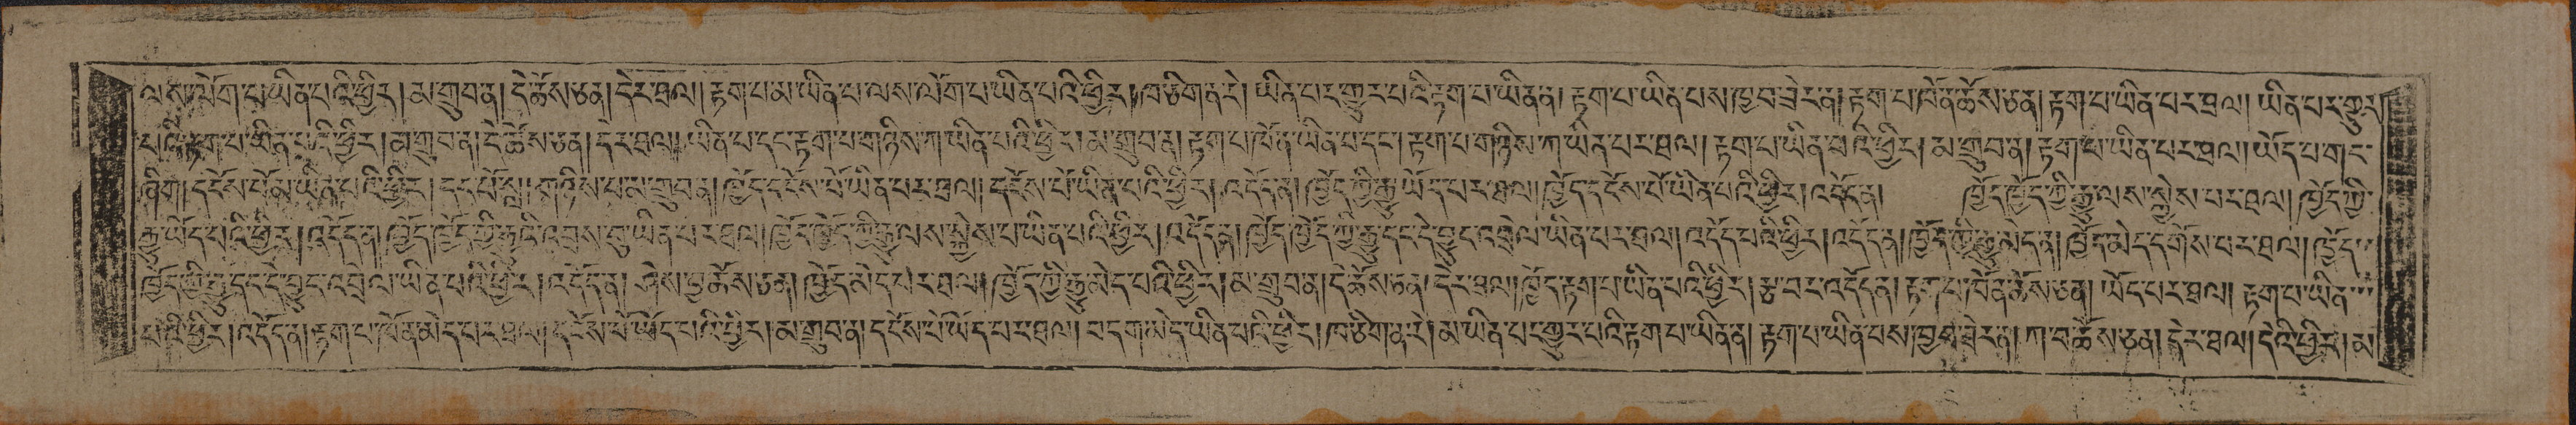ལས་ལོག་པ་ཡིན་པའི་ཕྱིར། མ་གྲུབ་ན། དེ་ཆོས་ཅན། དེར་ཐལ། རྟག་པ་མ་ཡིན་པ་ལས་ལོག་པ་ཡིན་པའི་ཕྱིར། ཁ་ཅིག་ན་རེ། ཡིན་པར་གྱུར་པའི་རྟག་པ་ཡིན་ན། རྟག་པ་ཡིན་པས་ཁྱབ་ཟེར་ན། རྟག་པ་ཁོ་ན་ཆོས་ཅན། རྟག་པ་ཡིན་པར་ཐལ། ཡིན་པར་གྱུར་
པའི་རྟག་པ་ཡིན་པའི་ཕྱིར། མ་གྲུབ་ན། དེ་ཆོས་ཅན། དེར་ཐལ། ཡིན་པ་དང་རྟག་པ་གཉིས་ཀ་ཡིན་པའི་ཕྱིར། མ་གྲུབ་ན། རྟག་པ་ཁོ་ན་ཡིན་པ་དང་། རྟག་པ་གཉིས་ཀ་ཡིན་པར་ཐལ། རྟག་པ་ཡིན་པའི་ཕྱིར། མ་གྲུབ་ན། རྟག་པ་ཡིན་པར་ཐལ། ཡོད་པ་གང་
ཞིག །དངོས་པོ་མ་ཡིན་པའི་ཕྱིར། དང་པོ་སླ། གཉིས་པ་མ་གྲུབ་ན། ཁྱོད་དངོས་པོ་ཡིན་པར་ཐལ། དངོས་པོ་ཡིན་པའི་ཕྱིར། འདོད་ན། ཁྱོད་ཀྱི་རྒྱུ་ཡོད་པར་ཐལ། ཁྱོད་དངོས་པོ་ཡིན་པའི་ཕྱིར། འདོད་ན། ཁྱོད་ཁྱོད་ཀྱི་རྒྱུ་ལས་སྐྱེས་པར་ཐལ། ཁྱོད་ཀྱི་
རྒྱུ་ཡོད་པའི་ཕྱིར། འདོད་ན། ཁྱོད་ཁྱོད་ཀྱི་རྒྱུའི་འབྲས་བུ་ཡིན་པར་ཐལ། ཁྱོད་ཁྱོད་ཀྱི་རྒྱུ་ལས་སྐྱེས་པ་ཡིན་པའི་ཕྱིར། འདོད་ན། ཁྱོད་ཁྱོད་ཀྱི་རྒྱུ་དང་དེ་བྱུང་འབྲེལ་ཡིན་པར་ཐལ། འདོད་པའི་ཕྱིར། འདོད་ན། ཁྱོད་ཀྱི་རྒྱུ་མེད་ན། ཁྱོད་མེད་དགོས་པར་ཐལ། ཁྱོད་
ཁྱོད་ཀྱི་རྒྱུ་དང་དེ་བྱུང་འབྲེལ་ཡིན་པའི་ཕྱིར། འདོད་ན། ཤེས་བྱ་ཆོས་ཅན། ཁྱོད་མེད་པར་ཐལ། ཁྱོད་ཀྱི་རྒྱུ་མེད་པའི་ཕྱིར། མ་གྲུབ་ན། དེ་ཆོས་ཅན། དེར་ཐལ། ཁྱོད་རྟག་པ་ཡིན་པའི་ཕྱིར། རྩ་བར་འདོད་ན། རྟག་པ་ཁོ་ན་ཆོས་ཅན། ཡོད་པར་ཐལ། རྟག་པ་ཡིན་
པའི་ཕྱིར། འདོད་ན། རྟག་པ་ཁོ་ན་མེད་པར་ཐལ། དངོས་པོ་ཡོད་པའི་ཕྱིར། མ་གྲུབ་ན། དངོས་པོ་ཡོད་པར་ཐལ། བདག་མེད་ཡིན་པའི་ཕྱིར། ཁ་ཅིག་ན་རེ། མ་ཡིན་པར་གྱུར་པའི་རྟག་པ་ཡིན་ན། རྟག་པ་ཡིན་པས་ཁྱབ་ཟེར་ན། ཀ་བ་ཆོས་ཅན། དེར་ཐལ། དེའི་ཕྱིར། མ་